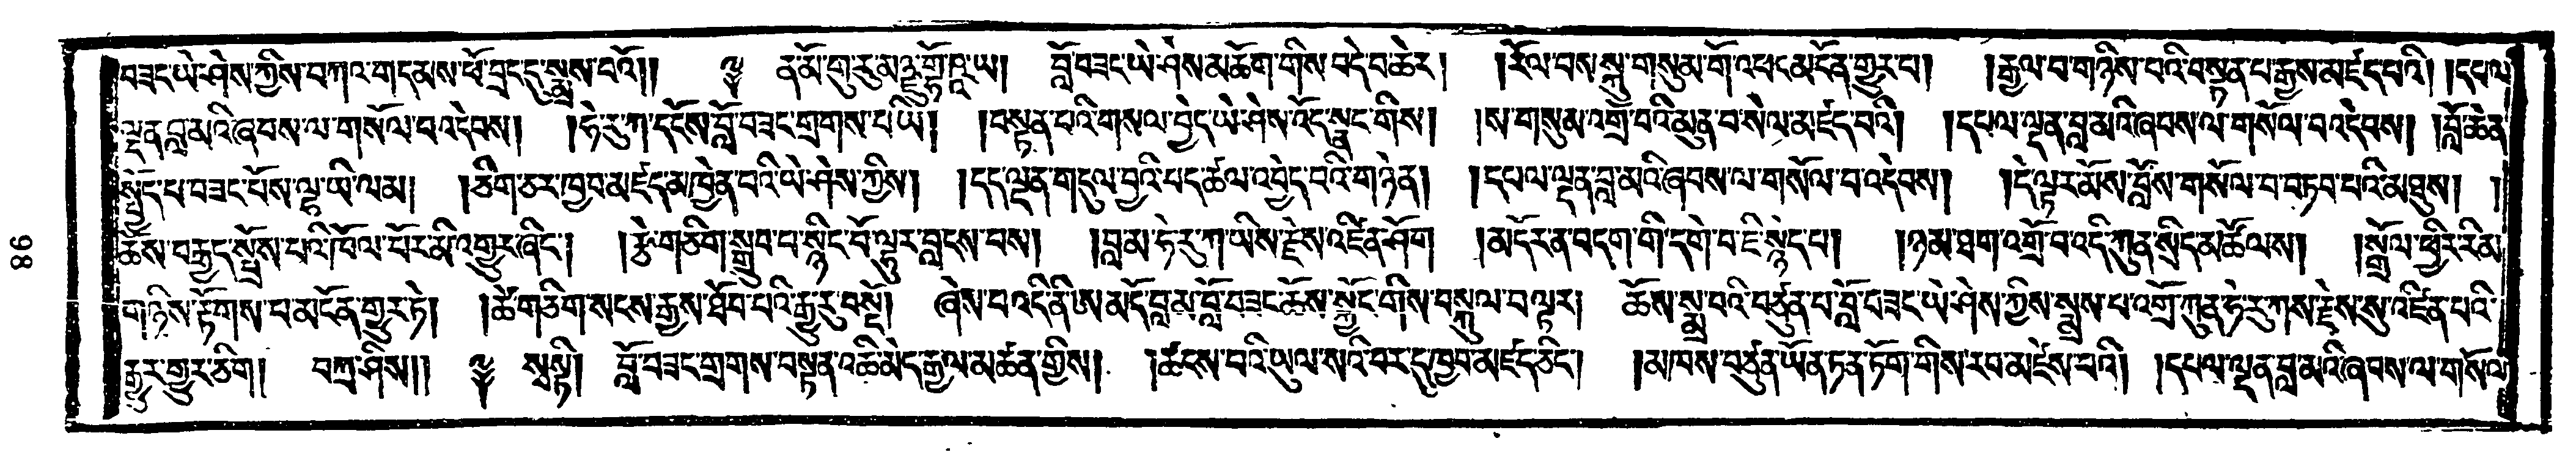བཟང་ཡེ་ཤེས་ཀྱིས་བཀའ་གདམས་ཕོ་བྲང་དུ་སྨྲས་བའོ།། ༈ ན་མོ་གུ་རུ་མཉྫུ་གྷོ་ཥཱ་ཡ། བློ་བཟང་ཡེ་ཤེས་མཆོག་གིས་བདེ་བ་ཆེར། །རོལ་བས་སྐུ་གསུམ་གོ་འཕང་མངོན་གྱུར་པ། །རྒྱལ་བ་གཉིས་པའི་བསྟན་པ་རྒྱས་མཛད་པའི། །དཔལ་
ལྡན་བླ་མའི་ཞབས་ལ་གསོལ་བ་འདེབས། །ཧེ་རུ་ཀ་དངོས་བློ་བཟང་གྲགས་པ་ཡི། །བསྟན་པའི་གསལ་བྱེད་ཡེ་ཤེས་འོད་སྣང་གིས། །ས་གསུམ་འགྲོ་བའི་མུན་བ་སེལ་མཛད་པའི། །དཔལ་ལྡན་བླ་མའི་ཞབས་ལ་གསོལ་བ་འདེབས། །བློ་ཆེན་
སྤྱོད་པ་བཟང་པོས་ལྷ་ཡི་ལམ། །ཅིག་ཅར་ཁྱབ་མཛད་མཁྱེན་པའི་ཡེ་ཤེས་ཀྱིས། །དད་ལྡན་གདུལ་བྱའི་པད་ཚལ་འབྱེད་བའི་གཉེན། །དཔལ་ལྡན་བླ་མའི་ཞབས་ལ་གསོལ་བ་འདེབས། །དེ་ལྟར་མོས་བློས་གསོལ་བ་བཏབ་པའི་མཐུས། །
ཆོས་བརྒྱད་སྤྲོས་པའི་ཁོལ་པོར་མི་འགྱུར་ཞིང་། །རྩེ་གཅིག་སྒྲུབ་པ་སྙིང་པོ་ལྷུར་བླངས་བས། །བླ་མ་ཧེ་རུ་ཀ་ཡིས་རྗེས་འཛིན་ཤོག །མདོར་ན་བདག་གི་དགེ་བ་ཇི་སྙེད་པ། །ཉམ་ཐག་འགྲོ་བ་འདི་ཀུན་སྲིད་མཚོ་ལས། །སྒྲོལ་ཕྱིར་རིམ་
གཉིས་རྟོགས་པ་མངོན་གྱུར་ཏེ། །ཚེ་གཅིག་སངས་རྒྱས་ཐོབ་པའི་རྒྱུ་རུ་བསྔོ། ཞེས་པ་འདི་ནི་ཨ་མདོ་བླ་མ་བློ་བཟང་ཆོས་སྐྱོང་གིས་བསྐུལ་བ་ལྟར། ཆོས་སྨྲ་བའི་བཙུན་པ་བློ་བཟང་ཡེ་ཤེས་ཀྱིས་སྨྲས་པ་འགྲོ་ཀུན་ཧེ་རུ་ཀས་རྗེས་སུ་འཛིན་པའི་
རྒྱུར་གྱུར་ཅིག། བཀྲ་ཤིས།། ༈ སྭསྟི། བློ་བཟང་གྲགས་བསྟན་འཆི་མེད་རྒྱལ་མཚན་གྱིས། །ཚངས་པའི་ཡུལ་སའི་བར་དུ་ཁྱབ་མཛད་ཅིང་། །མཁས་བཙུན་ཡོན་ཏན་ཏོག་གིས་རབ་མཛེས་པའི། །དཔལ་ལྡན་བླ་མའི་ཞབས་ལ་གསོལ་